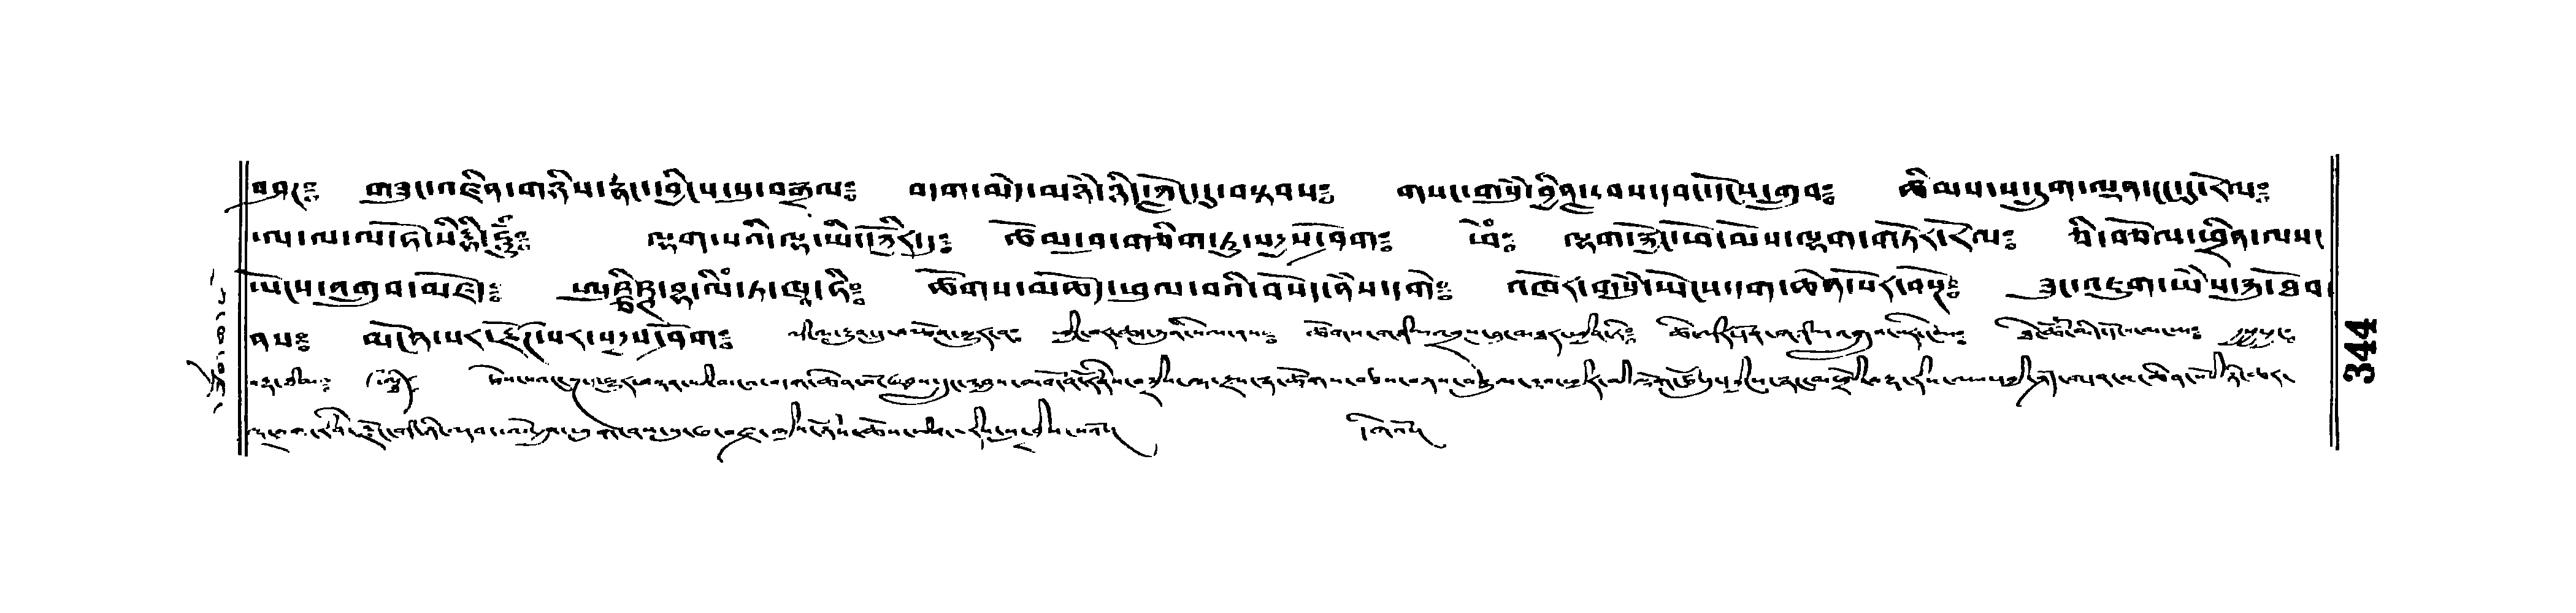བཤགས༔ གཟུང་འཛིན་གཉིས་སྣང་དབྱིངས་སུ་བསྒྲལ༔ བདག་མེད་མཉམ་ཉིད་ཀློང་དུ་བསྟབས༔ གསང་གསུམ་བྱིན་རླབས་དབང་དངོས་གྲུབ༔ ཚིམས་པ་དྲུག་ལྡན་ངང་དུ་རོལ༔ 
ཨ་ལ་ལ་ཧོ་སིདྡྷི་ཧཱུྃ༔ ལྷག་པའི་ལྷ་ཡི་དཀྱིལ་འཁོར་དུ༔ ཚོམ་བུ་གཅིག་ཏུ་སངས་རྒྱས་ཤོག༔ ཕེཾ༔ ལྷག་སྐྱོང་ཕོ་མོས་ལྷག་གཏོར་རོལ༔ ཅི་བཅོལ་ཕྲིན་ལས་
ཡོངས་འགྲུབ་མཛོད༔ ཨུཙྪིཥྚ་བྷ་ལིཾ་ཏ་ཁཱ་ཧི༔ ཚོགས་མཆོད་ཕུལ་བའི་བསོད་ནམས་དགེ༔ འཁོར་གསུམ་ཡོངས་དག་ཆེན་པོར་བསྔོ༔ ཟུང་འཇུག་ཡེ་ཤེས་སྐུ་ཐོབ་
ནས༔ མངོན་པར་རྫོགས་པར་སངས་རྒྱས་ཤོག༔ འདི་ལ་རྒྱུན་དུ་བརྩོན་གྱུར་ན༔ ཕྱི་ནང་བར་ཆད་ཀུན་སེལ་ནས༔ ཚོགས་གཉིས་འབྲས་བུ་མཐར་ཕྱིན་ཏེ༔ ཚེ་འདིར་དོན་གཉིས་འགྲུབ་པར་ངེས༔ ཐེ་ཚོམ་མེད་དོ་ས་མ་ཡ༔ རྒྱ་རྒྱ་རྒྱ༔ 
བརྡ་ཐིམ༔ ༔ ཅེས་པའང་སྔ་འགྱུར་བསྟན་པའི་མངའ་བདག་ཆེན་པོ་ཞབས་དྲུང་སྐྱབས་མགོན་རིན་པོ་ཆེས་བཀྲ་ཤིས་ལྷ་རྫས་སྣ་ཚོགས་བཅས་བཀས་བསྐུལ་ཟབ་ཕྱིར་མ་ལྡོག་ཙམ་དུ་དབྱིངས་སྣང་མཁའ་འགྲོའི་བརྡ་རིས་ལས་དབྱི་ཤོད་གདན་ས་ཆེན་པོའི་ཉེ་ཆར་
ལྷ་བྲག་རིན་ཆེན་རྫོང་གི་ཉེ་འདབས་ཨོ་རྒྱན་ཕུག་ནས་སུ་ཁ་བཛྲ་གྱིས་ཉམས་ཆོས་ཡིག་རིས་སུ་བྲིས་པ་དགེའོ།།